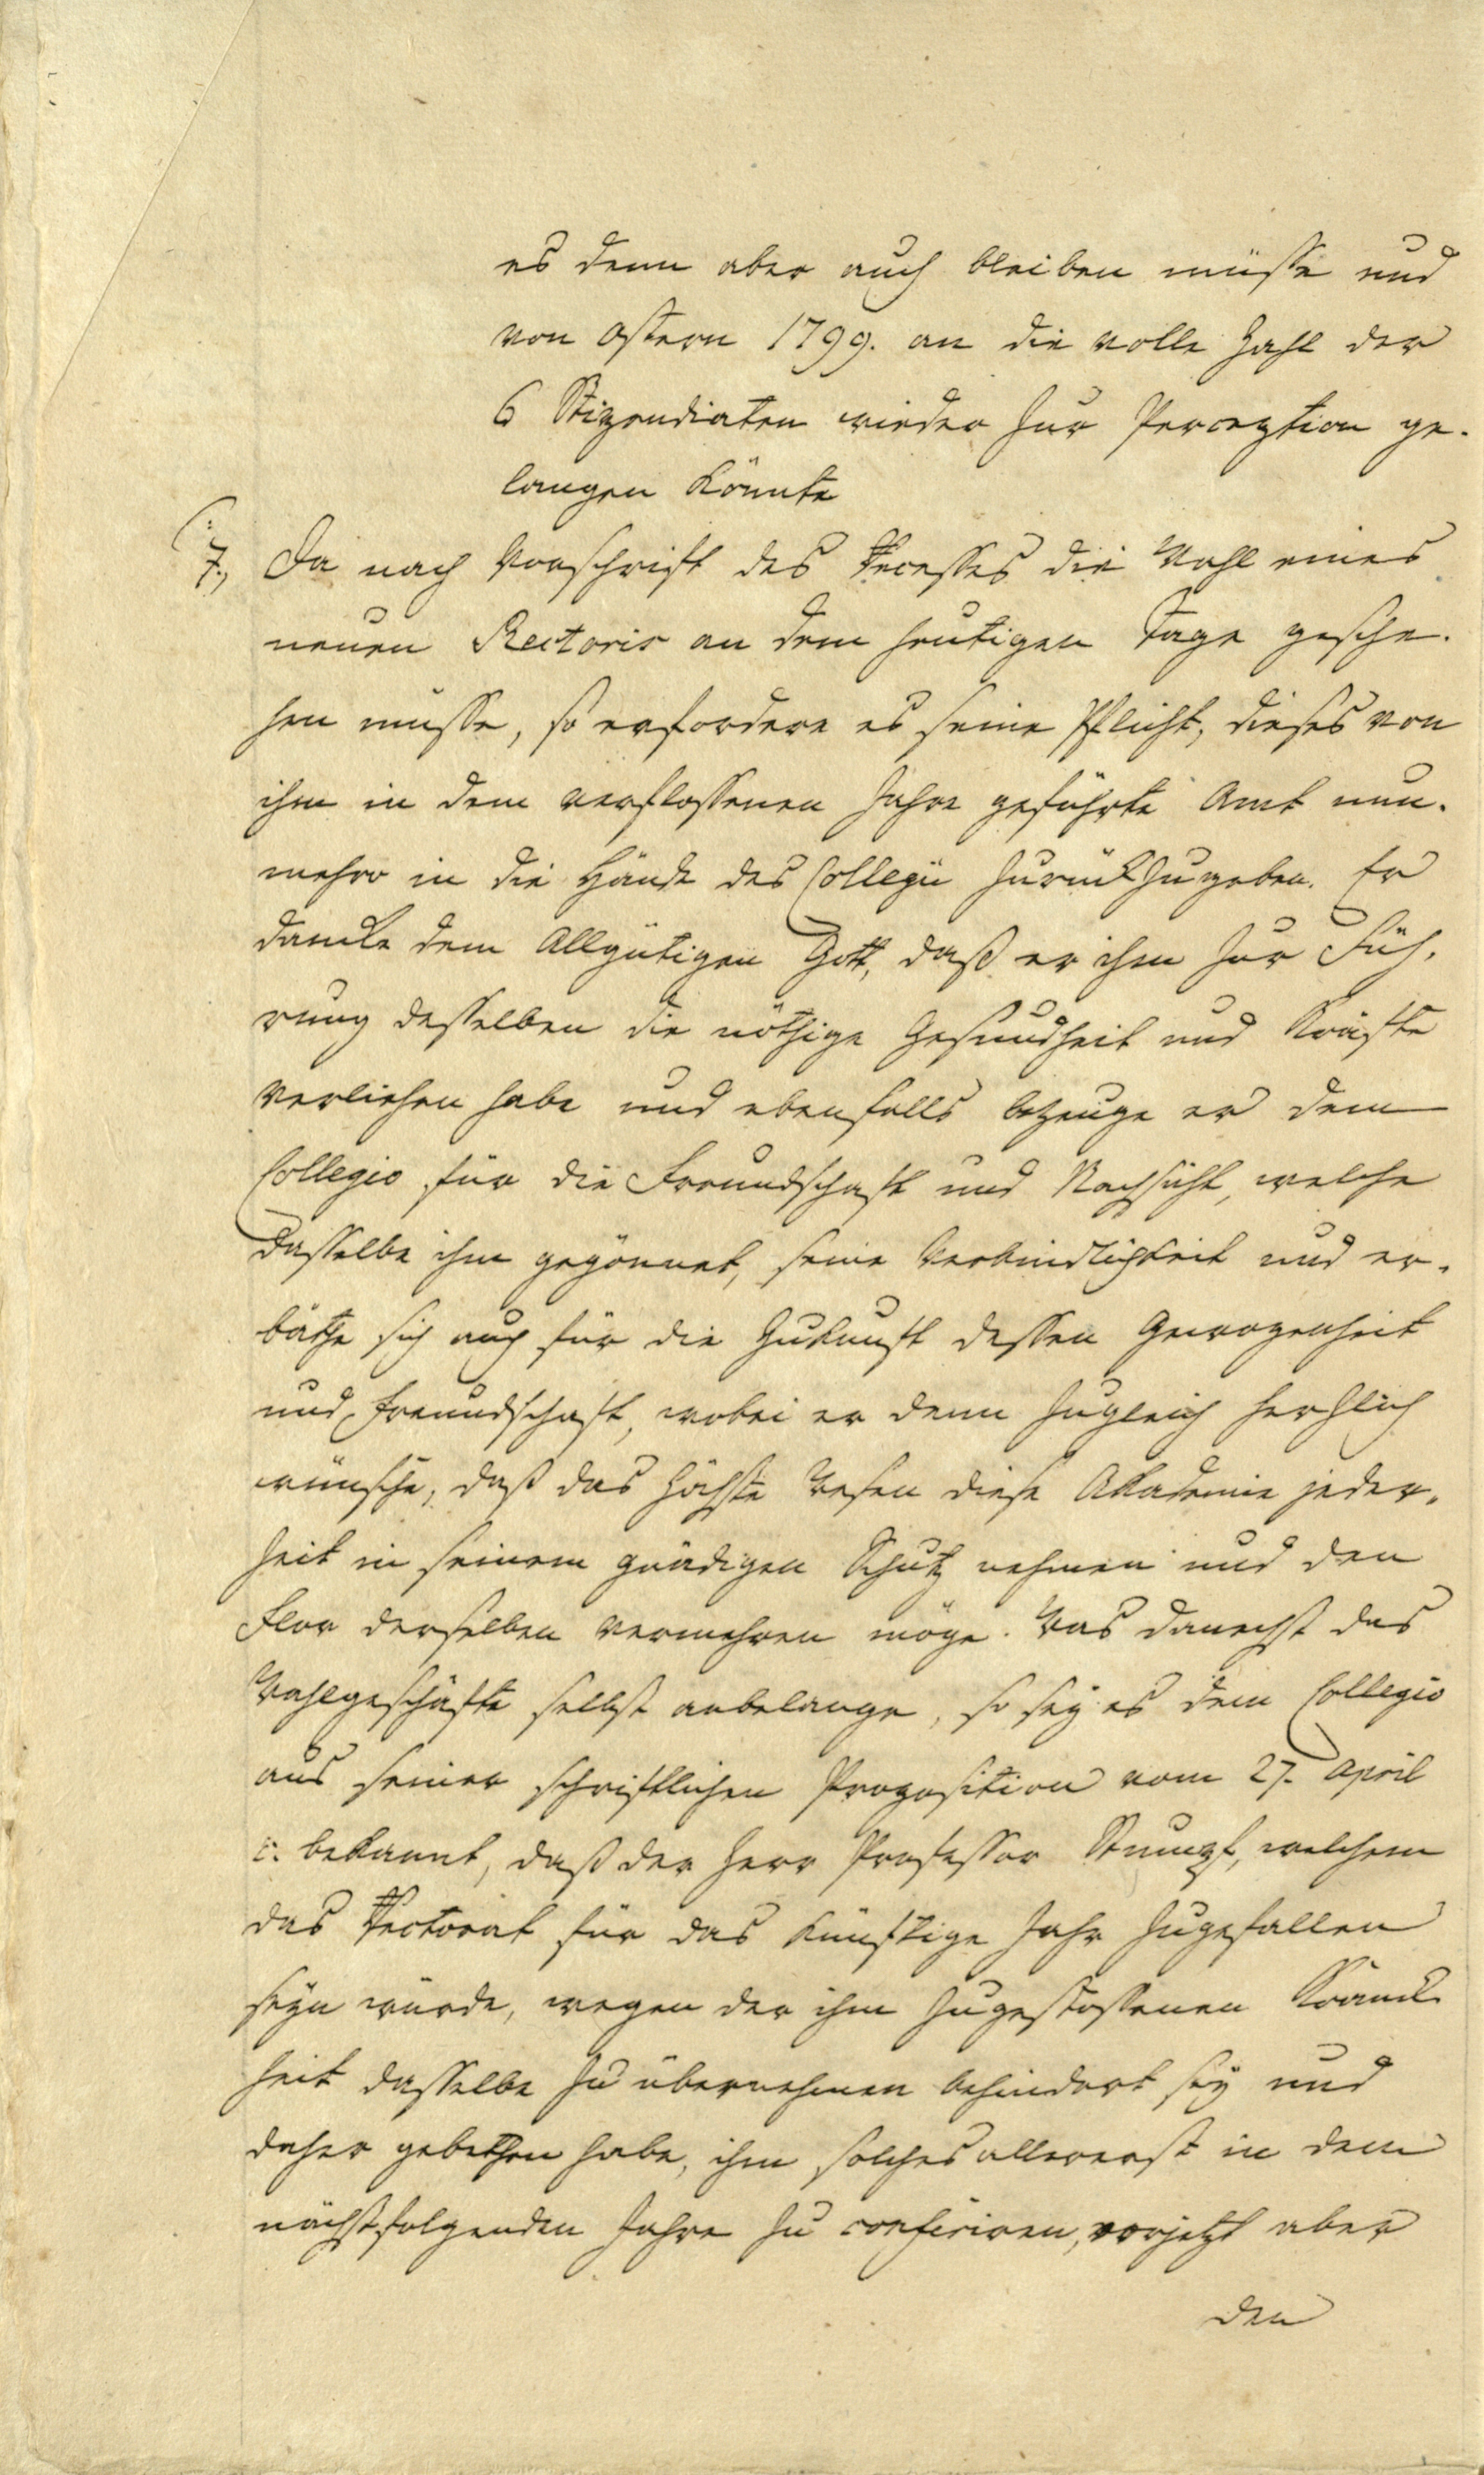es denn aber auch bleiben müsse und
von Ostern 1799. an die wolle Zahl der
6 Stipendiaten wieder zur Perception ge¬
langen könnte.
7., Da nach Vorschrift des Recesses die Wahl eines
neuen Rectoris an dem heutigen Tage gesche¬
den müsse, so erfordere es seine Pflicht, dieses von
ihm in dem verflossenen Jahre geführten Amt nun¬
mehro in die Hände des Collegii zurückzugeben. Er
dancke dem Allgütigen Gott, daß er ihm zur Füh¬
rung desselben die nöthige Gesundheit und Kräfte
verliehen habe und ebenfalls bezeuge er dem
Collegio für die Freundschaft und Nachsicht, welche
dasselbe ihm gegönnet, seine Verbindlichkeit und er¬
bäthe sich auf für die Zukunft dessen Gewogenheit
und Freundschaft, wobei er denn zugleich herzlich
wünsche, daß das Höchste Wesen diese Akademie jeder¬
zeit in seinem gnädigen Schutz nehmen und den
Flor derselben vermehren möge. Was danechst das
Wahlgeschäfte selbst anbelange, so seÿ es dem Collegio
aus seiner schriftlichen Proposition vom 27. April
c. bekannt, daß der Herr Professor Stumpf, welchem
das Rectorat für das künftige Jahr zugefallen
seÿn würde, wegen der ihm zugestossenen Kranck¬
heit dasselbe zu übernehmen behindert seÿ und
daher gebethen habe, ihm solches allererst in dem
nächstfolgenden Jahre zu conferiren vorjetzt aber
den